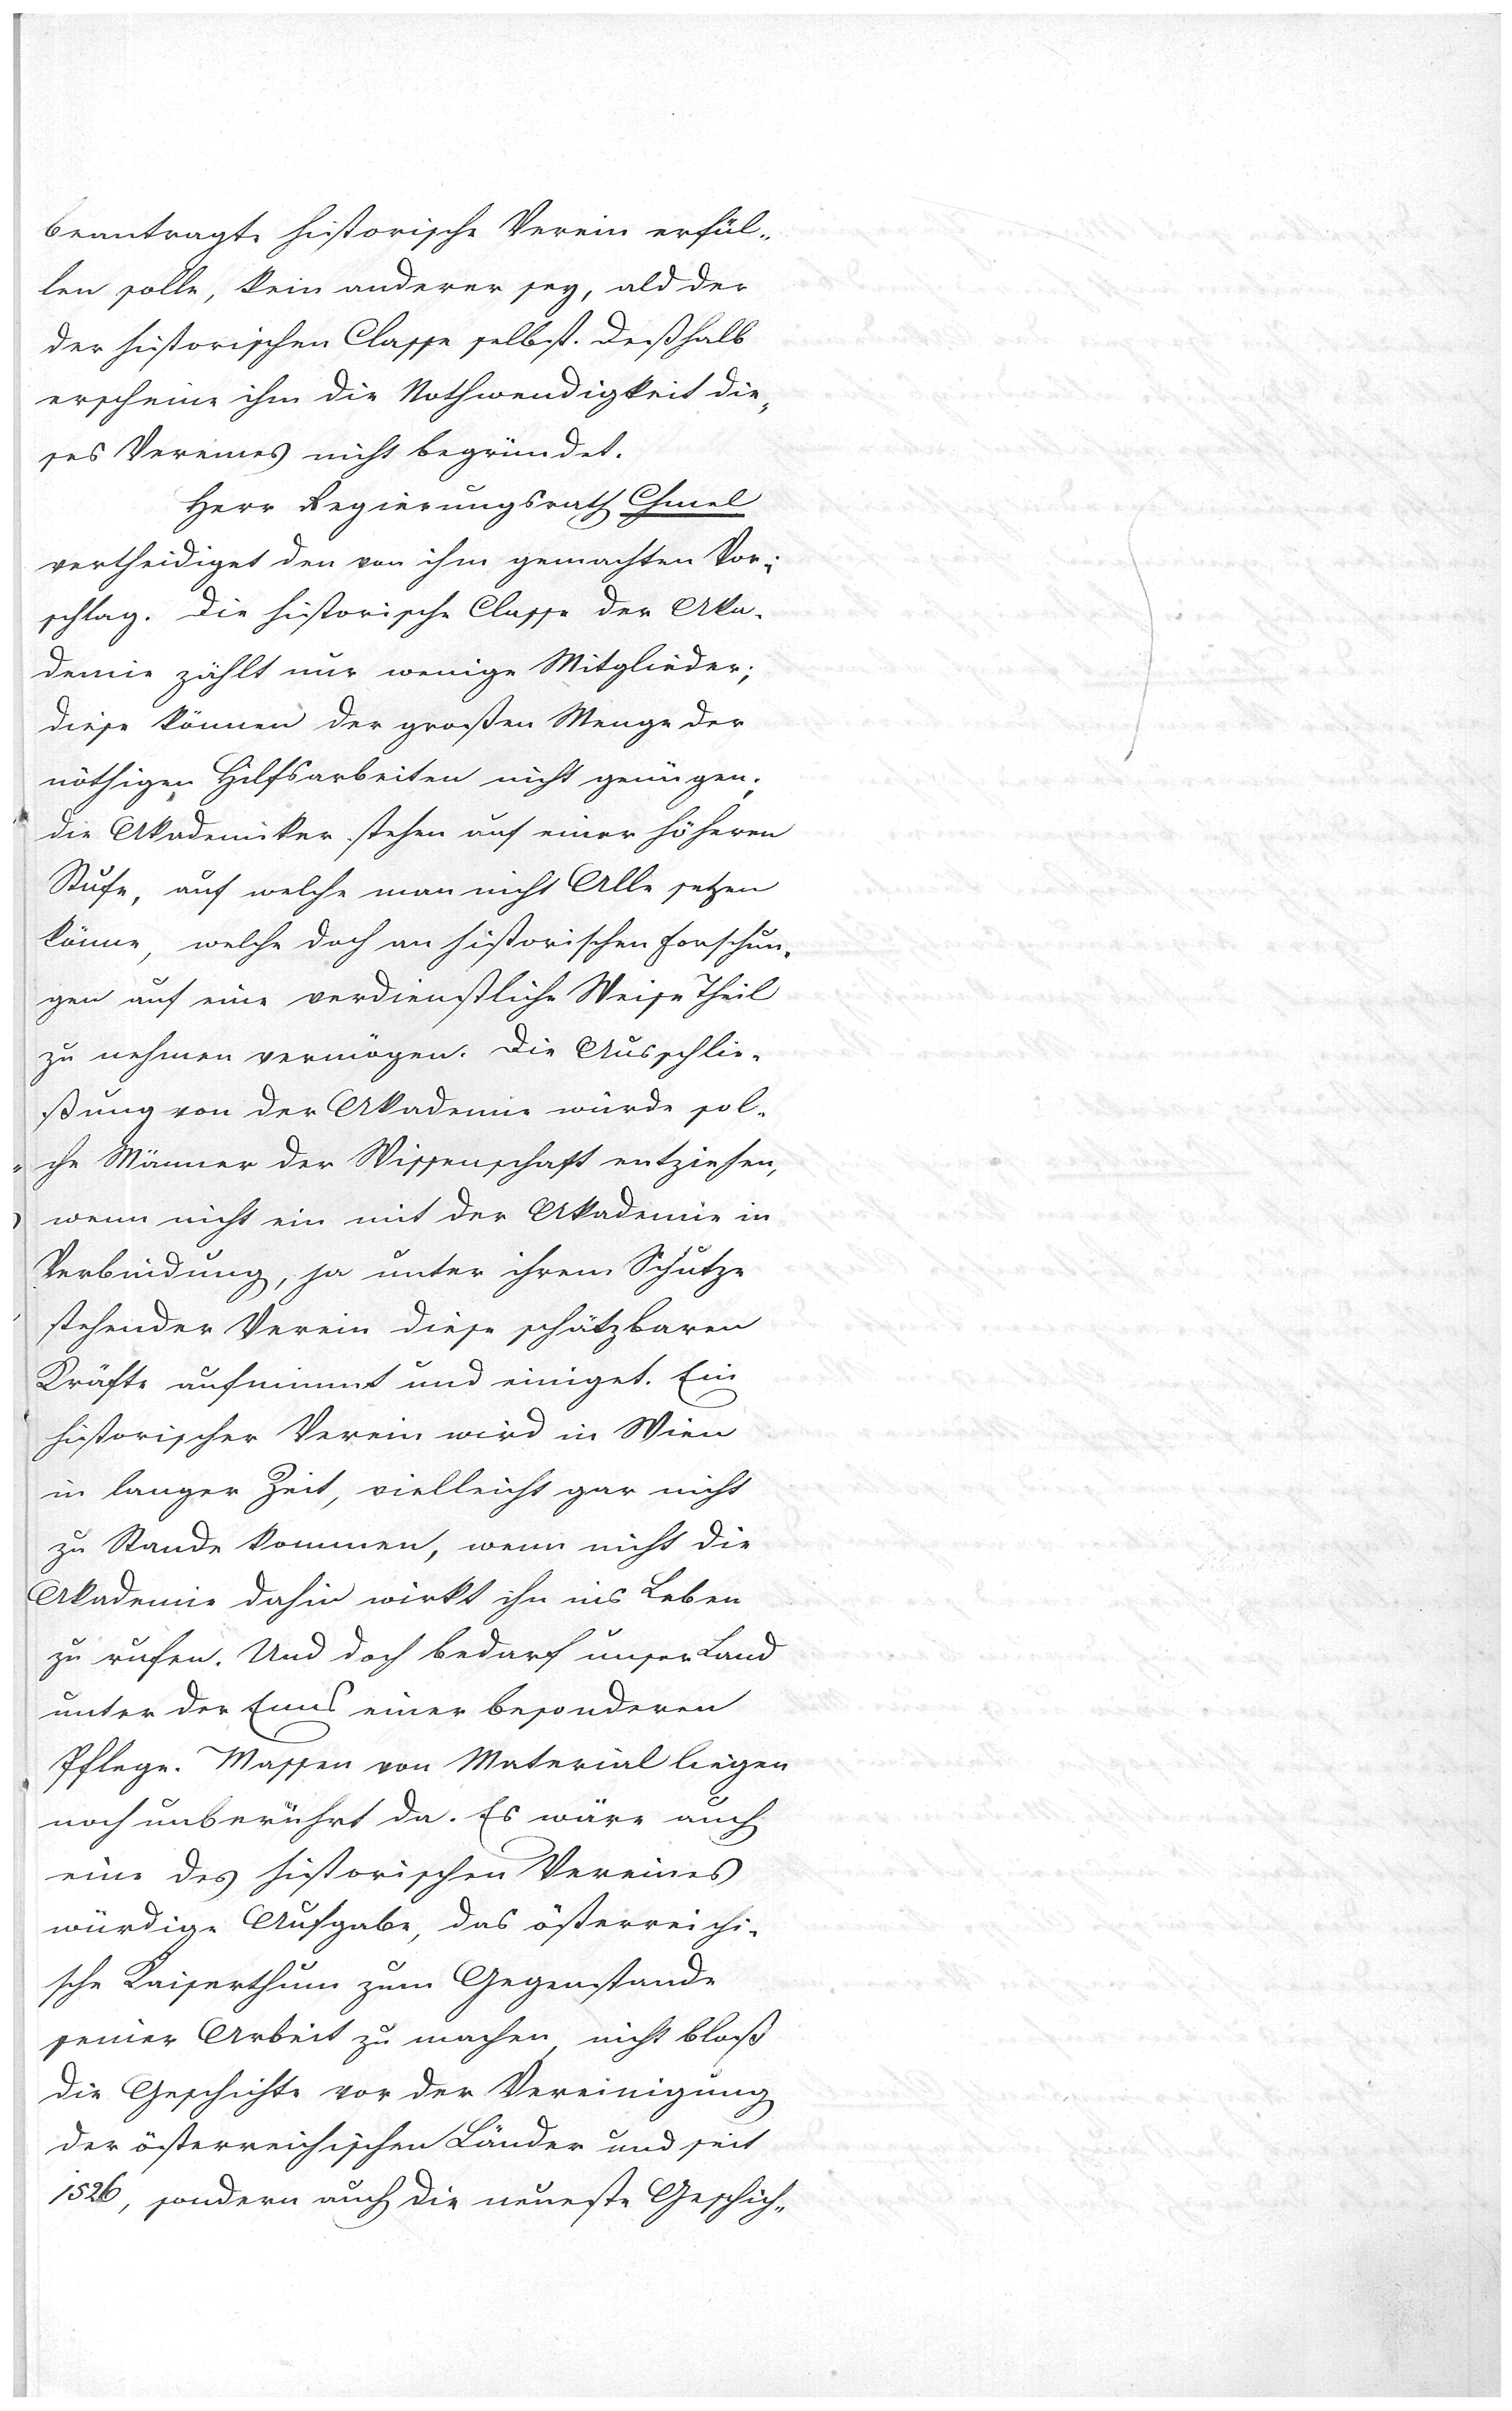beantragte historische Verein erfül-
len solle, kein anderer sey, als der
der historischen Classe selbst. Deßhalb
erscheine ihm die Nothwendigkeit die-
ses Vereines nicht begründet.
Herr Regierungsrath Chmel
vertheidiget den von ihm gemachten Vor-
schlag. Die historische Classe der Aka-
demie zählt nur wenigen Mitglieder;
diese können der großen Menge der
nöthigen Hilfsarbeiten nicht genügen;
die Akademiker stehen auf einer höheren
Stufe, auf welche man Alle setzen
könne, welche doch an historischen Forschun-
gen auf eine verdienstliche Weise Theil
zu nehmen vermögen. Die Ausschlie-
ßung von der Akademie wurde sol-
che Männer der Wissenschaft entziehen,
wenn nicht ein mit der Akademie in
Verwendung, ja unter ihrem Schutze
stehender Verein diese schätzbaren
Kräfte aufnimmt und einiget. Ein
historischen Verein wird in Wien
in lange Zeit, vielleicht gar nicht
zu Stande kommen, wenn nicht die
Akademie dahin wirkt, ihn ins Leben
zu rufen Und doch bedarf unser Land
unter der Enns einer besonderen
Pflege. Massen von Material liegen
noch unberührt da. Es wäre auch
eine des historischen Vereines
würdige Aufgaben das österreichi-
che Kaiserthum zum Gegenstande
seiner Arbeit zu machen, nicht bloß
die Geschichte vor der Vereinigung
der österreichischen Länder und seit
1526, sondern auch die neueste Geschich-